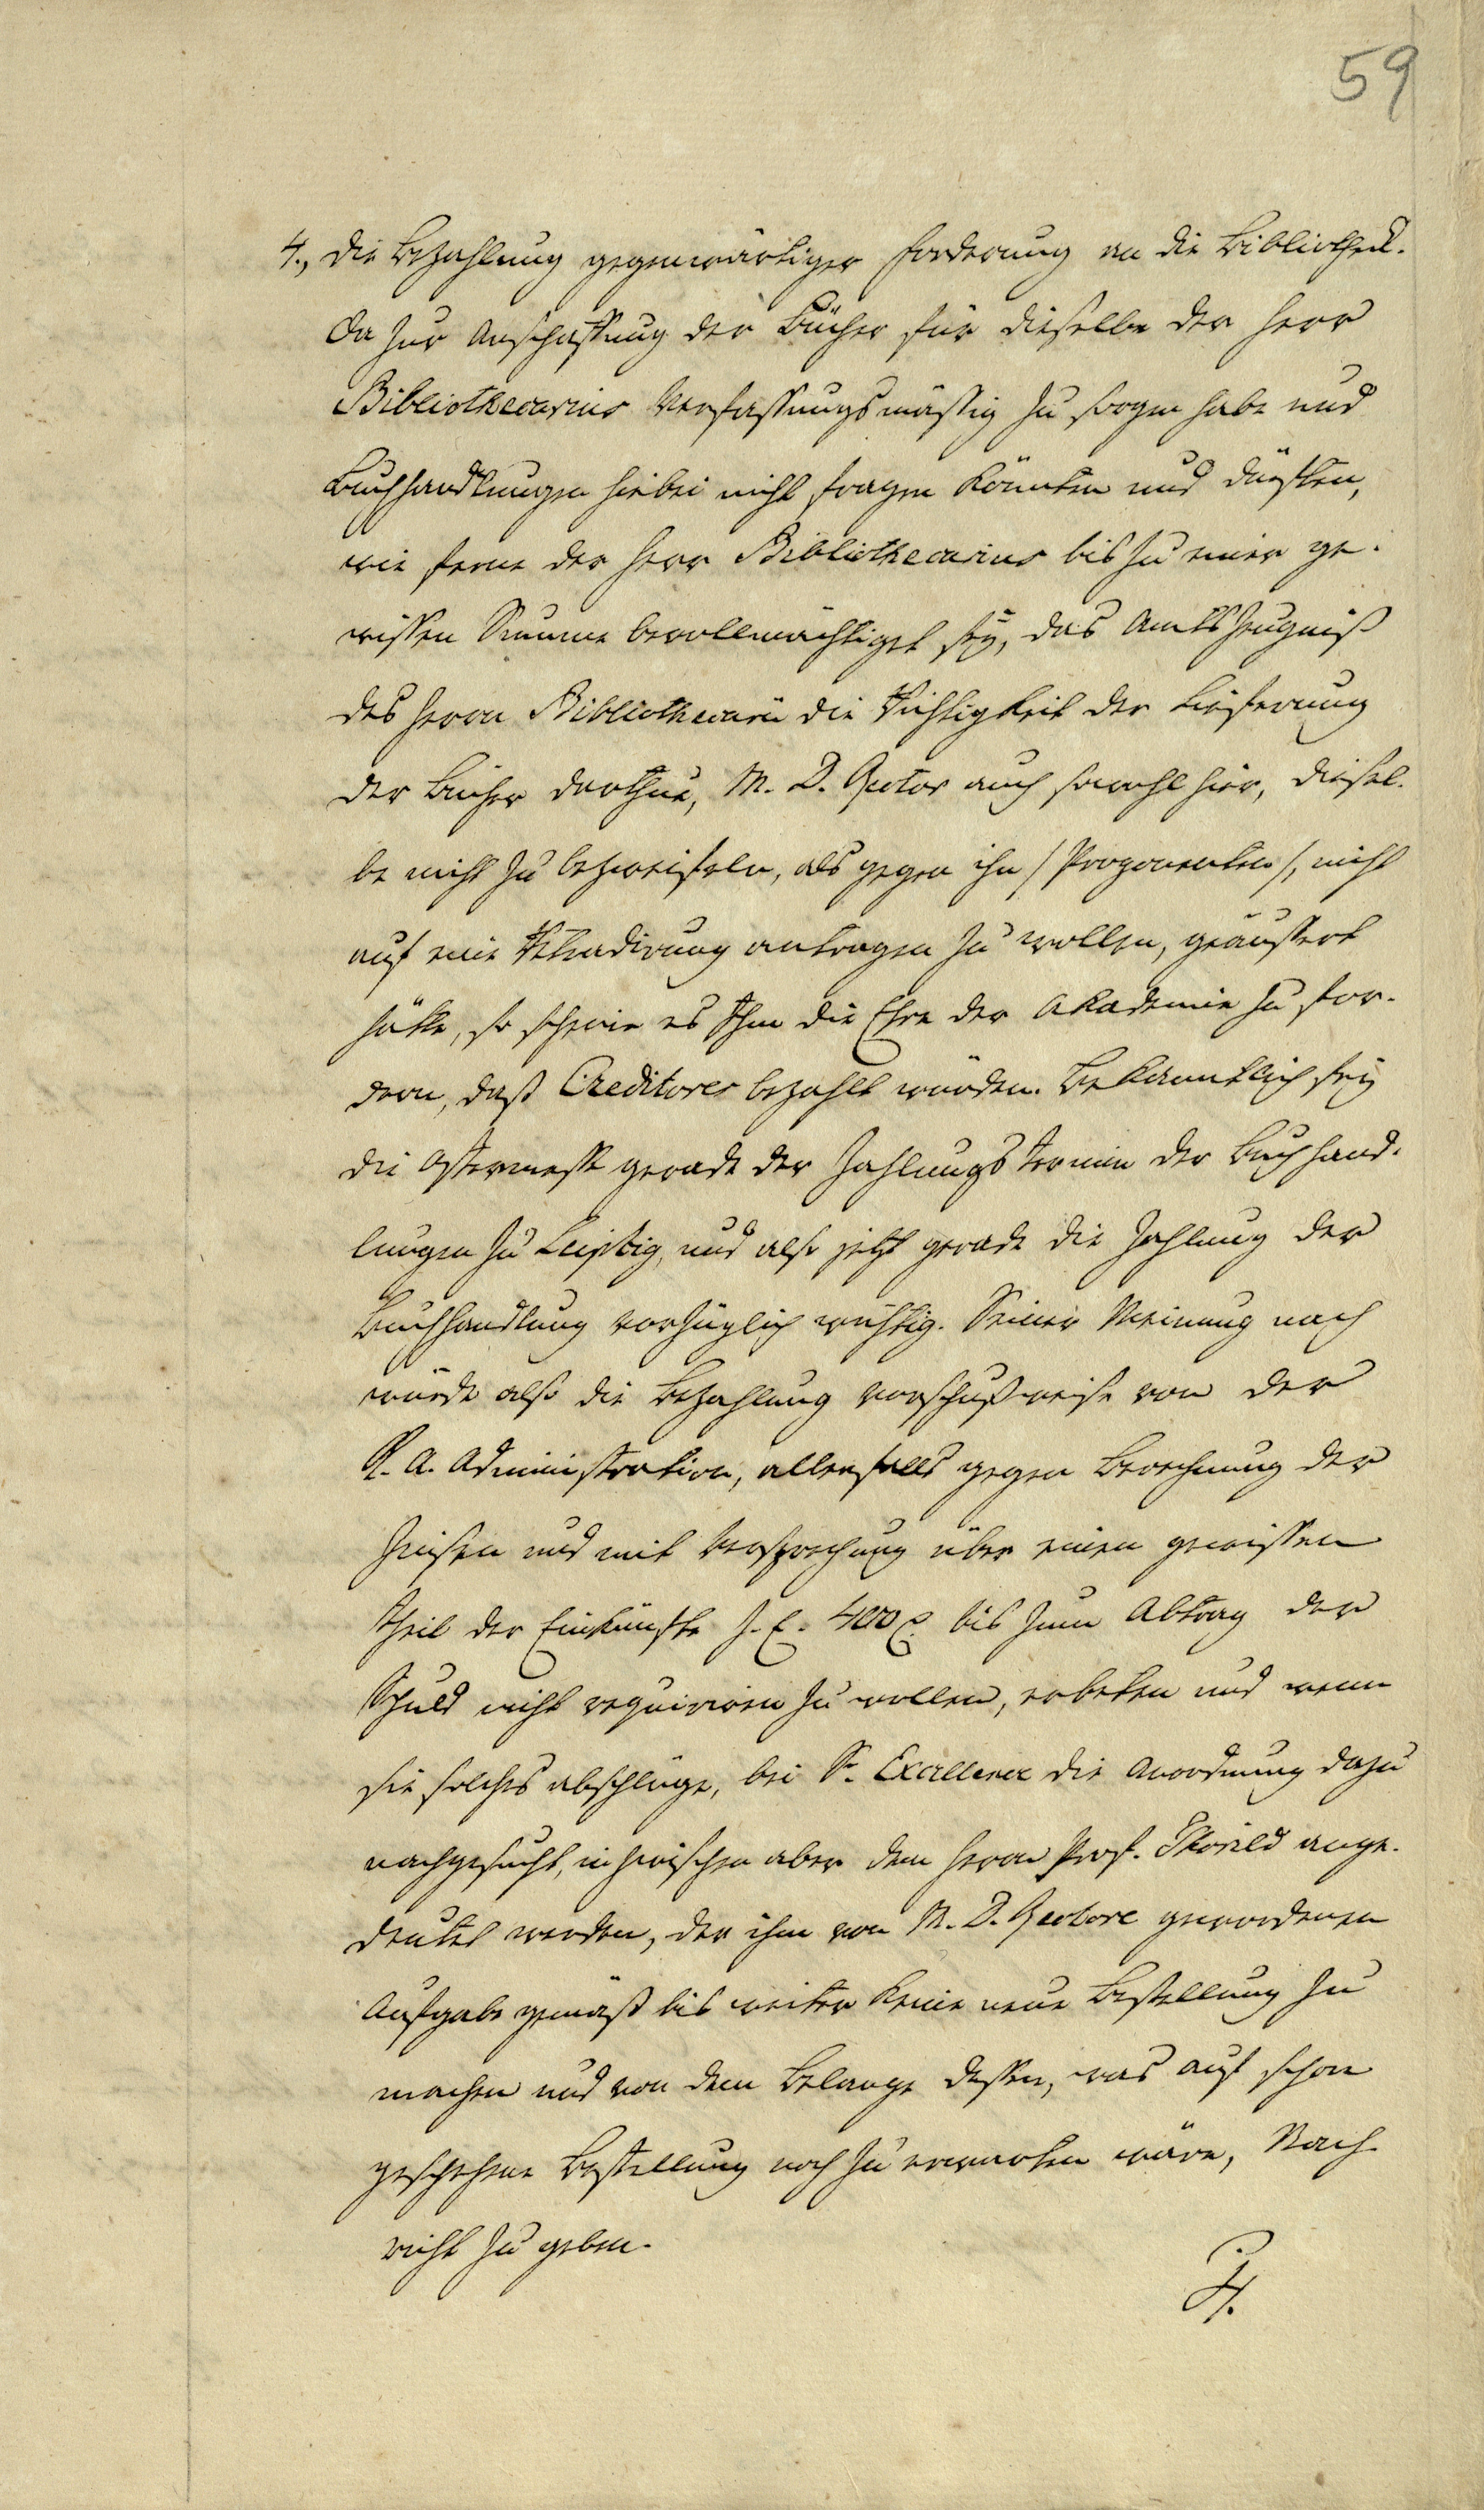4., die Bezahlung gegenwärtiger Forderung an die Bibliothek.
Da zur Anschaffung der Bücher für dieselbe der Herr
Bibliothecarius Verfassungsmässig zu sorgen habe und
Buchhandlungen hiebei nicht fragen könnten und dürften,
wie ferne der Herr Bibliothecarius bis zu einer ge¬
wissen Summe bevollmächtiget seÿ, das Amts Zeugniß
des Herrn Bibliothecarii die Richtigkeit der Lieferung
der Bücher darthun, M. D. Rector auch sowohl hier, diesel¬
be nicht zu bezweifeln, als gegen ihn /Proponenten /, nicht
auf eine Retradirung antragen zu wollen, geäussert
hätte, so scheine es Ihm die Ehre der Akademie zu for¬
dern, daß Creditores bezahlt würden. Bekanntlich seÿ
die Ostermesse gerade der ZahlungsTermin der Buchhand¬
lungen zu Leipzig, und also jetzt gerade die Zahlung der
Buchhandlung vorzüglich wichtig. Seiner Meinung nach
würde also die Bezahlung vorschußweise von der
K. A. Administration, allenfalls gegen Berechnung der
Zinsen und mit Versprechueg über einen gewissen
Theil der Einkünfte J. E. 400 l. bis zum Abtrag der
Schuld nicht requiriren zu wollen, erbeten und wenn
sie solches abschlüge, bei Sr. Excellence die Anordnung dazu
nachgesucht, inzwischen aber dem Herrn Prof. Thorild ange¬
deutet werden, der ihm von M. D. Rectore gewordenen
Aufgabe gemäß bis weiter keine neue Bestellung zu
machen und von dem Belange dessen, was auf schon
geschehene Bestellung noch zu erwarten wäre, Nach¬
richt zu geben.
4.